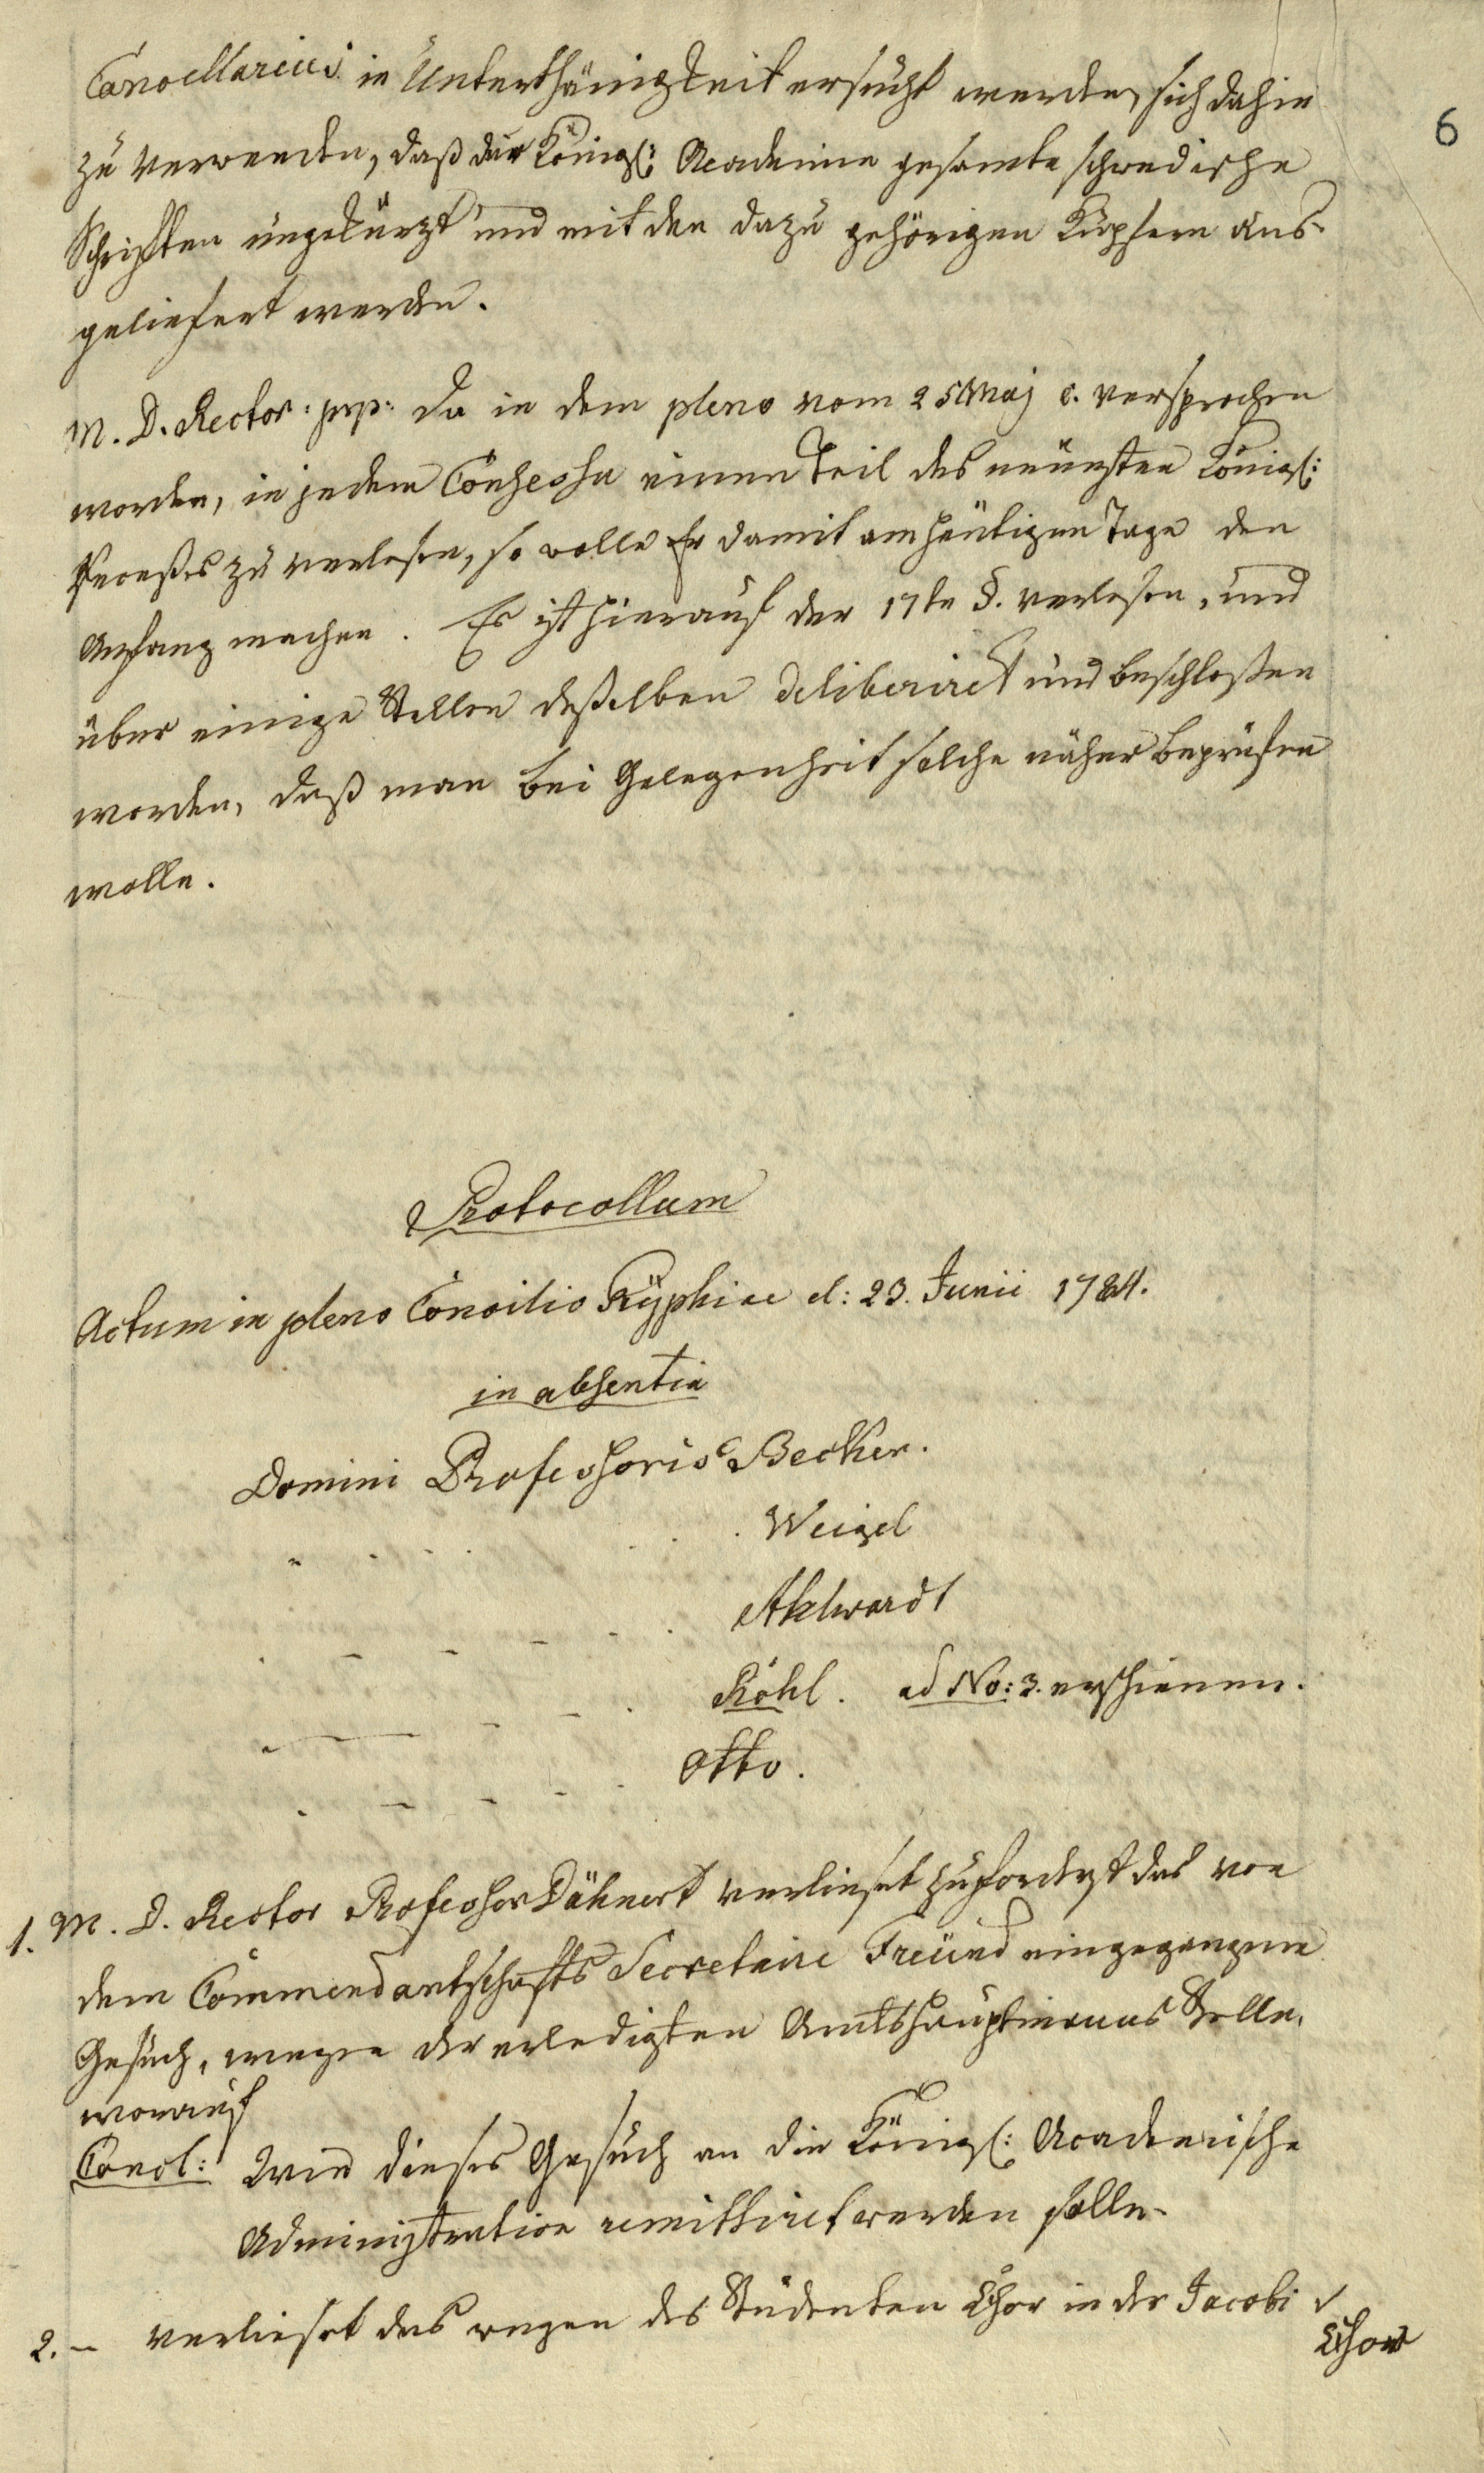Cancellarius in Unterthänigkeit ersucht werden, sich dahin
zu verwenden, daß der Königl. Academie gesamte schwedische
Schriften ungekürzt und mit den dazu gehörigen Kupfern aus¬
geliefert werden.
M. D. Rector. pp. Da in dem pleno vom 25. Maj e. Versprochen
worden, in jedem Consessu einen Teil des neuesten Königl.
Receßes zu verlesen, so wolle Er damit am heutigen Tage den
Anfang machen. Es ist hierauf der 17te § verlesen, und
über einigeStellen deßelben deliberiret und beschloßen
worden, daß man bei Gelegenheit solche näher beprüfen
wolle.
Protocollum
Actum in pleno Concilio Grÿphiae d. 23. Junii 1784
in absentia
Domini Professoris Becker.
Weigel
Ahlwardt
Röhl. ad No. 3 erschienen.
Otto.
1. M. D. Rector Professor Dähnert verlieset zuforderst das von
dem Commandantschafts Secretaire Freund eingegangene
Gesuch, wegen der erledigten Amtshauptmanns Stelle
worauf
Concl. Wie dieses Gesuch an die Königl. Academische
Administration remittiret werden solle.
2. verlieset das wegen des Studenten Chor in der Jacobi